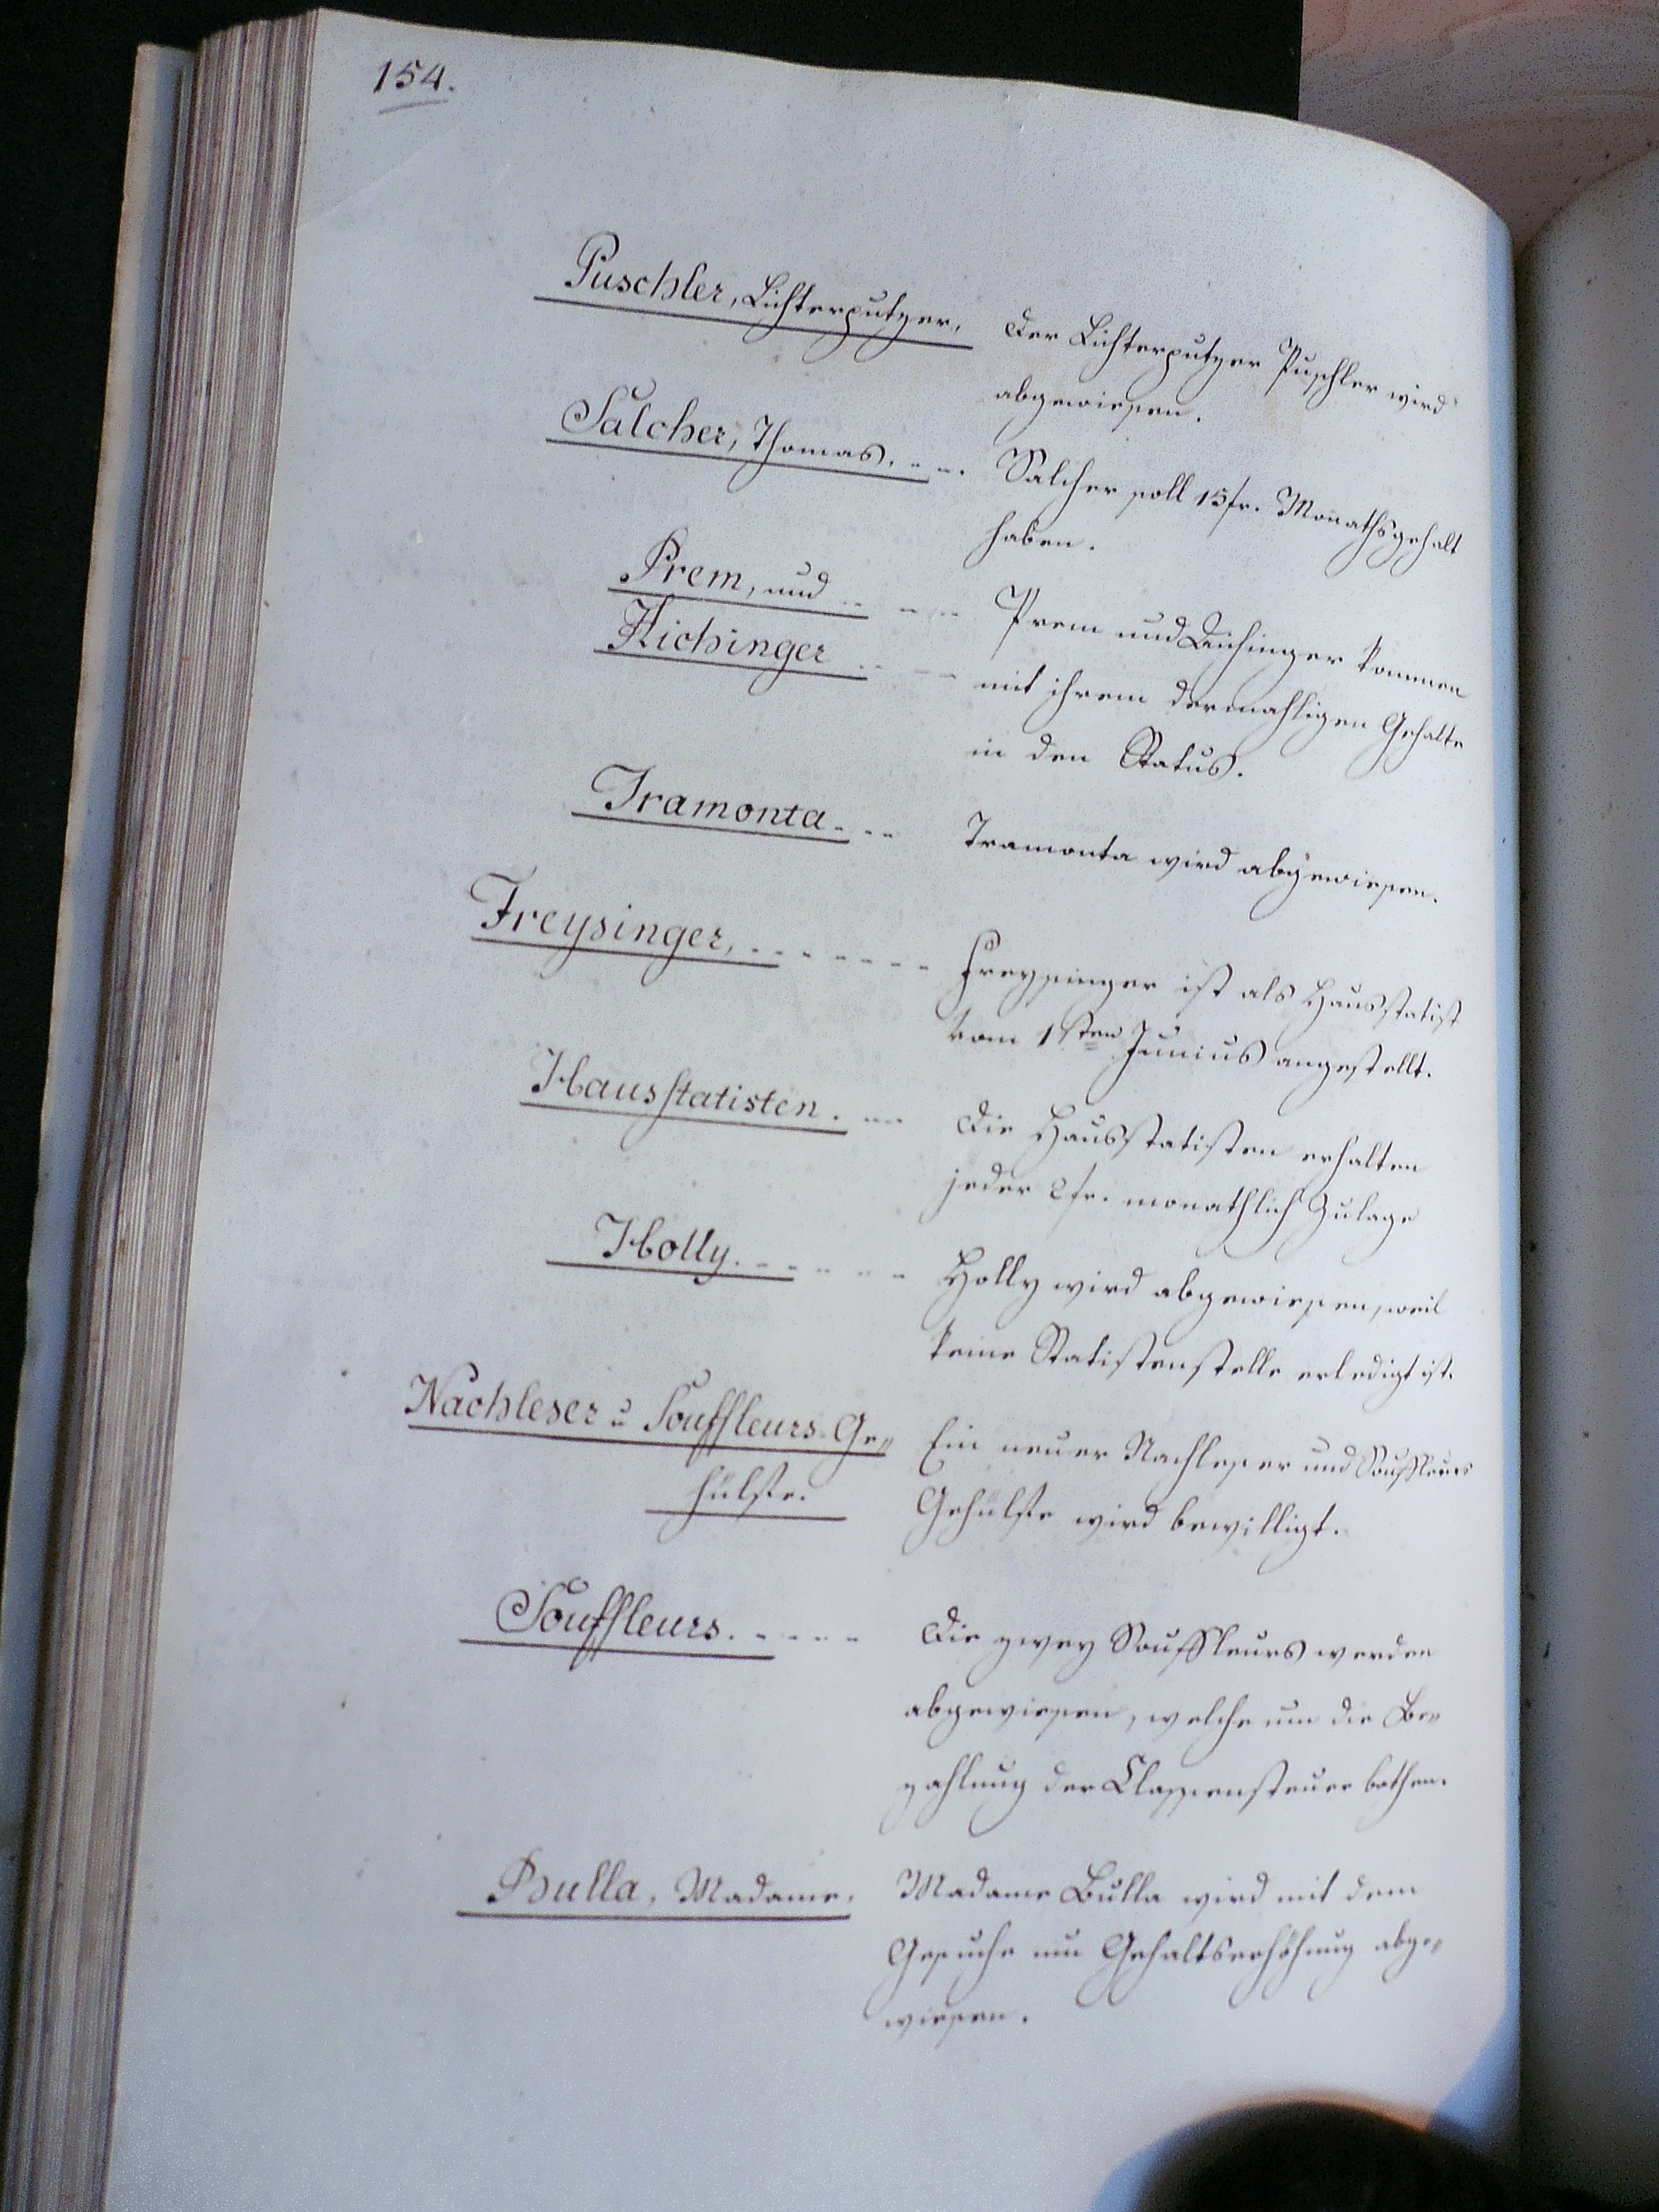154.
Puschler, Lichterputzer. Der Lichterputzer Puschler wird
abgewiesen.
Salcher, Thomas. .. .. . Salcher soll 15fr. Monathsgehalt
haben.
Prem, und
Aichinger.
Prem, und Aichinger kommen
mit ihrem dermahligen Gehalte
in den Satus.
Tramonta .. . .. Tramonta wird abgewiesen.
Freysinger, . . .. .. .. .. .. Freysinger ist als Hausstatist
vom 1ste͇n Junius angestellt.
Hausstatisten . .. .. Die Hausstatisten erhalten
jeder 2fr. monathlich Zulage.
Holly. .. .. .. .. .. Holly wird abgewiesen, weil
keine Statistenstelle erledigt ist.
Nachleser u Soffleur Ge¬
hülfe.
Ein neuer Nachleser ud Souffleur
Gehülfe wird bewilligt.
Souffleurs. .. .. .. .. Die zwey Souffleurs werden
abgewiesen, welche um die Be¬
zahlung der Classensteuer bathen.
Bulla, Madame. Madame Bulla wird mit dem
Gesuche um Gehaltserhöhung abge¬
wiesen.